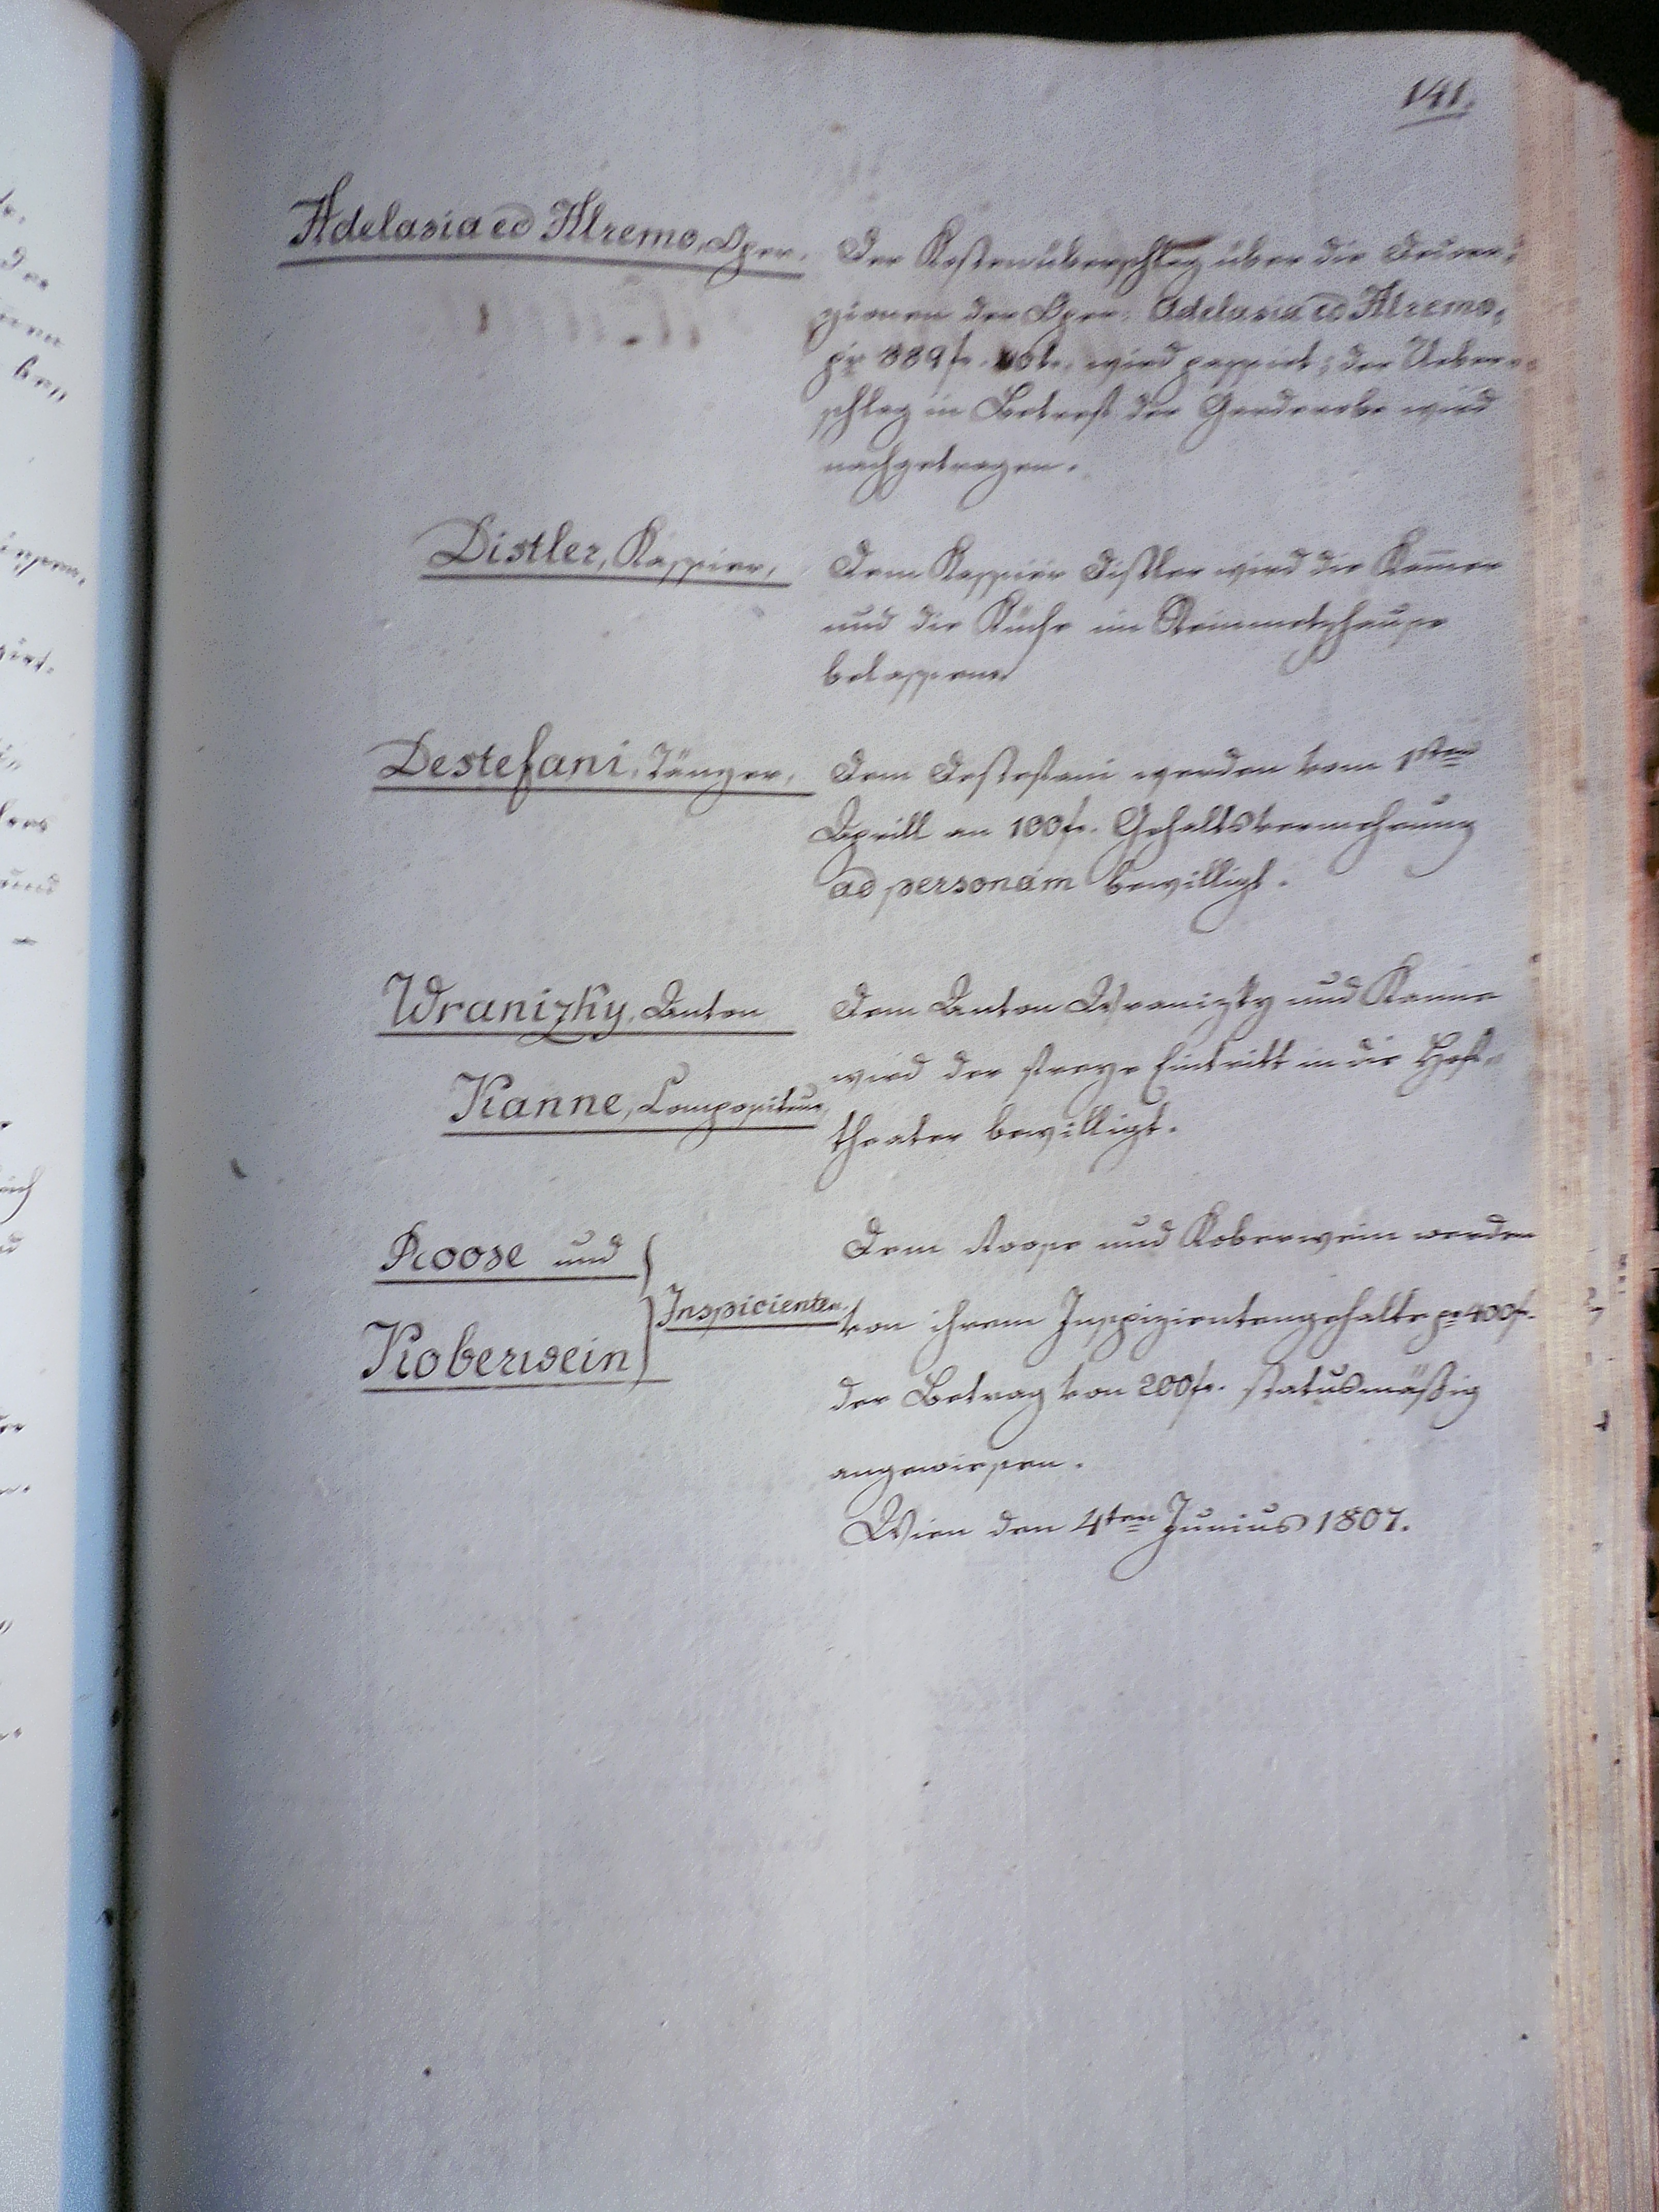141.
Adelasia ed Alremo, Oper. Der Kostenüberschlag über die Decora¬
zionen der Oper: Adelasia ed Alremo,
pr͇ 889fr. 40kr. wird passirt; der Ueber
schlag in Betref der Garderobe wird
nachgetragen.
Distler, Kassier, Dem Kassier Distler wird die Kam̅er
und die Küche im Steinmetzhause
belassen.
Destefani, Tänzer. Dem Destefani werden vom 1ste͇n
Aprill an 100fr. Gehaltsvermehrung
ad personam bewilligt.
Wranizky, Anton
Kanne, Compositeur
Dem Anton Wranizky und Kanne
wird der freye Eintritt in die Hof¬
theater bewilligt.
Roose und
Koberwein
Inspizienten.
Dem Roose und Koberwein werden
von ihrem Inspizientengehalte pr͇ 400fr.
der Betrag von 200fr. statusmäßig
angewiesen.
Wien den 4te͇n Junius 1807.